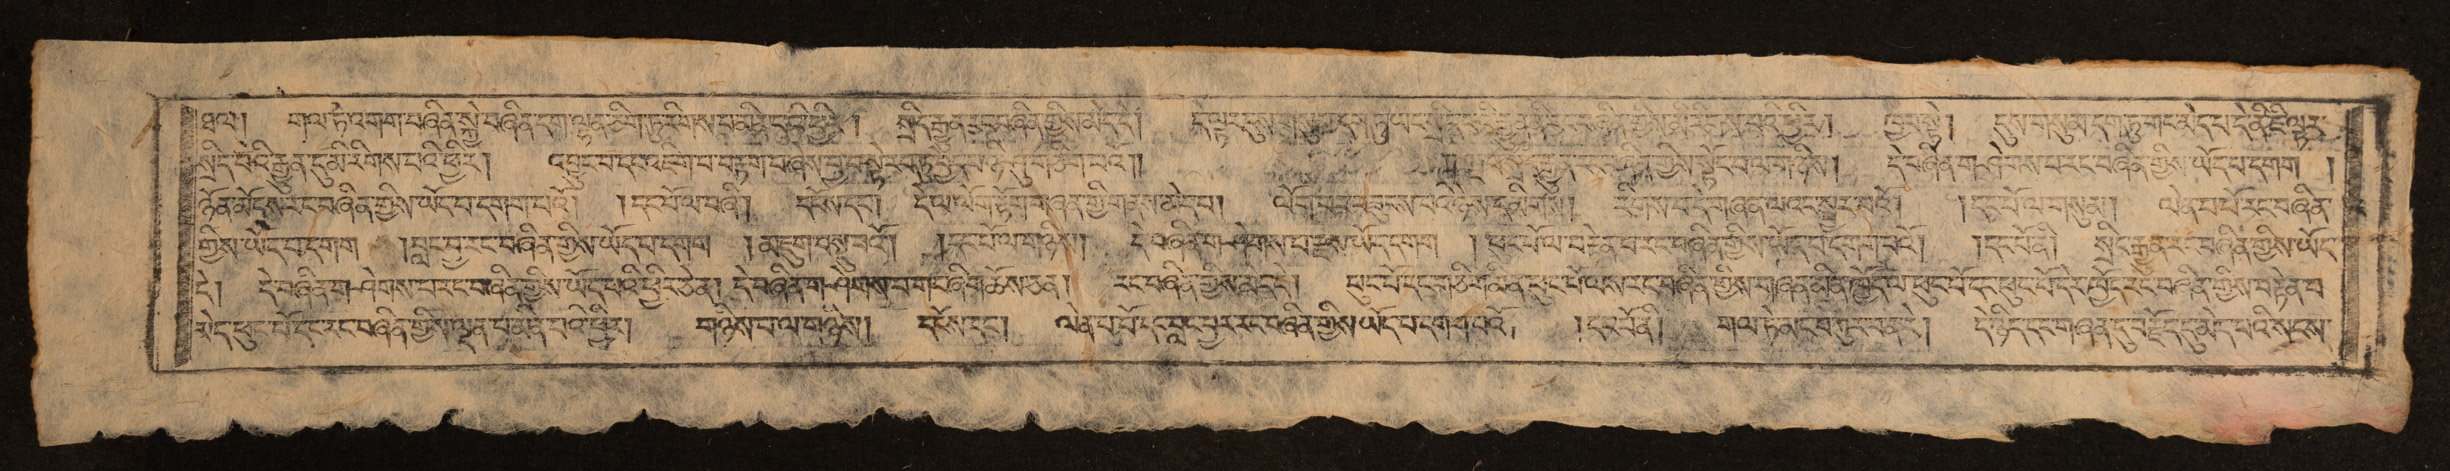ཐལ། གལ་ཏེ་འགག་བཞིན་སྐྱེ་བཞིན་དག་ལྷན་ཅིག་ཏུ་རིགས་པ་མིན་པའི་ཕྱིར། སྲིད་རྒྱུན་རང་བཞིན་གྱིས་མེད་དེ། དེ་ལྟར་དུས་གསུམ་དག་ཏུ་ཡང་སྲིད་པའི་རྒྱུན་ནི་རང་བཞིན་གྱིས་མི་རིགས་པའི་ཕྱིར། ཁྱབ་སྟེ། དུས་གསུམ་དག་ཏུ་གང་མེད་པ་དེ་ནི་ཇི་ལྟར་
སྲིད་པའི་རྒྱུན་དུ་མི་རིགས་པའི་ཕྱིར། འབྱུང་བ་དང་འཇིག་པ་བརྟག་པ་ཞེས་བྱ་བ་སྟེ་རབ་ཏུ་བྱེད་པ་ཉི་ཤུ་གཅིག་པའོ།། །།ལྔ་པ་སྲྀད་རྒྱུན་རང་བཞིན་གྱིས་སྟོང་བ་ལ་གཉིས། དེ་བཞིན་གཤེགས་པ་རང་བཞིན་གྱིས་ཡོད་པ་དགག །
ཉོན་མོངས་རང་བཞིན་གྱིས་ཡོད་པ་དགག་པའོ། །དང་པོ་ལ་བཞི། དངོས་དང་། དེ་ལ་ལོག་རྟོག་གཞན་གྱི་གནས་མེད་པ། ལོག་པར་བཟུངས་པའི་ཉེས་དམིགས། རིགས་པ་དེ་གཞན་ལའང་སྦྱར་བའོ། །དང་པོ་ལ་གསུམ། ལེན་པ་པོ་རང་བཞིན་
གྱིས་ཡོད་པ་དགག །བླང་བྱ་རང་བཞིན་གྱིས་ཡོད་པ་དགག །མཇུག་བསྡུ་བའོ། །དང་པོ་ལ་གཉིས། དེ་བཞིན་གཤེགས་པ་རྫས་ཡོད་དགག །ཕུང་པོ་ལ་བརྟེན་པ་རང་བཞིན་གྱིས་ཡོད་པ་དགག་པའོ། །དང་པོ་ནི། སྲིད་རྒྱུན་རང་བཞིན་གྱིས་ཡོད་
དེ། དེ་བཞིན་གཤེགས་པ་རང་བཞིན་གྱིས་ཡོད་པའི་ཕྱིར་ཅེ་ན། དེ་བཞིན་གཤེགས་པ་གང་ཞིག་ཆོས་ཅན། རང་བཞིན་གྱིས་མེད་དེ། ཕུང་པོ་དང་གཅིག་མིན་ཕུང་པོ་ལས་རང་བཞིན་གྱིས་གཞན་མིན་ཁྱོད་ལ་ཕུང་པོ་དང་ཕུང་པོ་དེར་ཁྱོད་རང་བཞིན་གྱིས་བརྟེན་པ་
མེད་ཕུང་པོ་དང་རང་བཞིན་གྱིས་ལྡན་པ་མིན་པའི་ཕྱིར། གཉིས་པ་ལ་གཉིས། དངོས་དང་། ལེན་པ་པོ་དང་བླང་བྱར་རང་བཞིན་གྱིས་ཡོད་པ་དགག་པའོ། །དང་པོ་ནི། གལ་ཏེ་མང་བཀུར་བ་ན་རེ། དེ་ཉིད་དང་གཞན་དུ་བརྗོད་དུ་མེད་པའི་སངས་